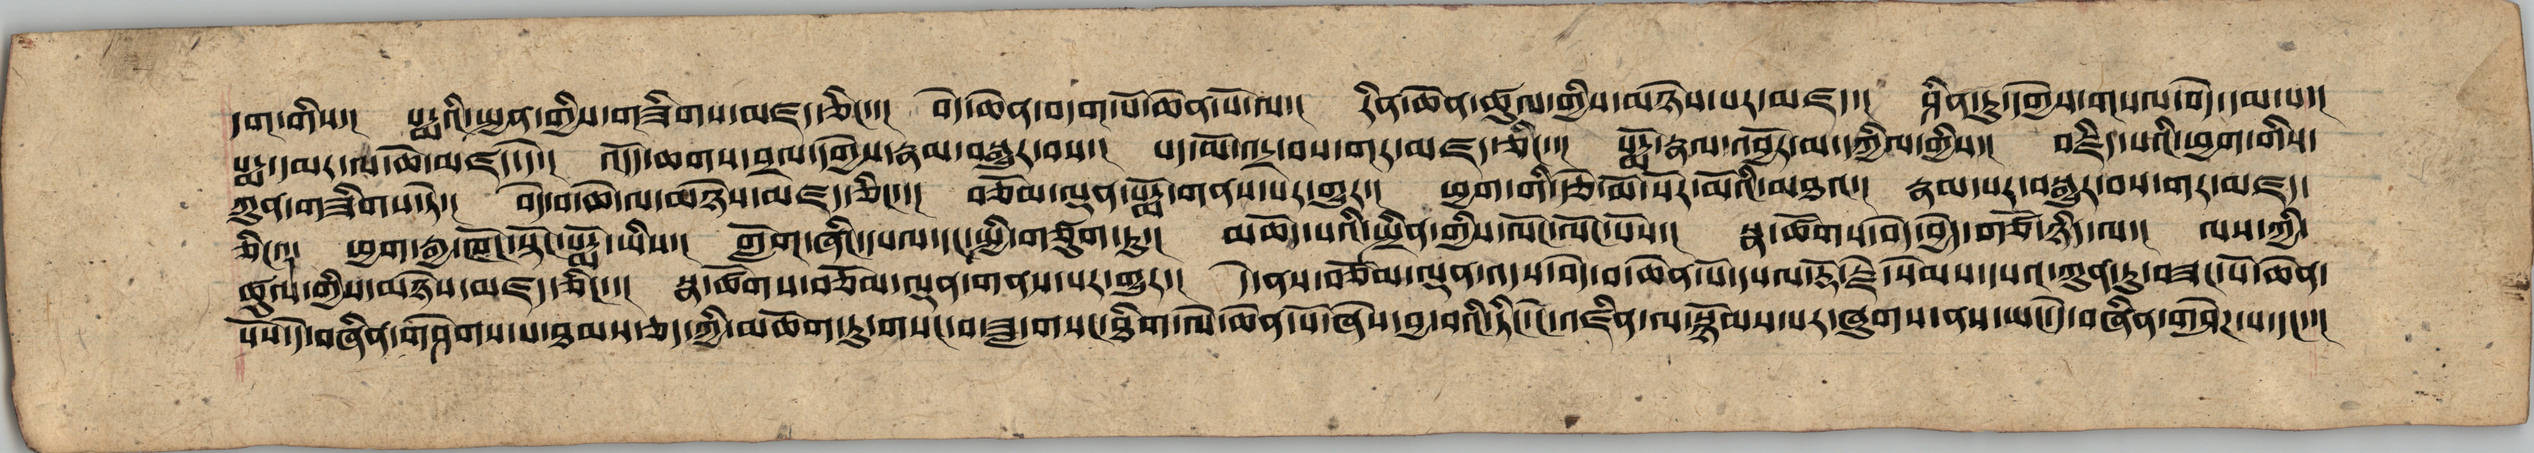དག་གིས་། པདྨའི་སྤྱན་གྱིས་གཟིགས་མཛད་ཅིང་་། བདེ་ཆེན་བདག་པོ་ཆེན་པོ་ལ་། རིན་ཆེན་ཚུལ་གྱིས་མཉེས་པར་མཛད་། ཤིན་ཏུ་དགྱེས་གསལ་བདེ་དམ་པ་།
པདྨ་དམར་ལ་ཆེ་མཛད་དེ་། འདོད་ཆགས་བྲལ་དགྱེས་རྣམ་བསྒྱུར་བས་། པད་མོ་འདྲ་བས་གར་མཛད་ཅིང་་། པདྨོ་རྣལ་འབྱོར་མ་དཀྱིལ་གྱིས་། བརྗིད་པའི་ཕྱག་གིས་
ཀུན་གཟིགས་ཏེ་། བདེ་བ་ཆེ་ལ་མཉེས་མཛད་ཅིང་་། བཅོམ་ལྡན་པདྨོ་གནས་པར་གྱུར་། ཕྱག་གི་རྩེ་མོ་སོར་མོའི་མཐའ་། རྣམ་པར་བསྒྱུར་བས་གར་མཛད་
ཅིང་༴་ ཕྱག་རྒྱ་ཁོང་སྟོང་པདྨོ་ཡིས་། གློག་ཞིང་དཔལ་དང་སྤྱི་གཙུག་ཏུ་། མཆོད་པའི་སྤྲིན་གྱིས་ལོང་ལོང་པོས་། སྣ་ཚོགས་བདེ་བྱེད་གཙོ་ཉིད་ལ་། ལས་ཀྱི་
ཚུལ་གྱིས་མཉེས་མཛད་ཅིང་་། སྣ་ཚོགས་བཅོམ་ལྡན་གནས་པར་གྱུར་། དེ་ནས་བཅོམ་ལྡན་འདས་བདེ་བ་ཆེན་པོ་དཔལ་རྡོ་རྗེ་སེམས་དཔའ་ཀུན་ཏུ་བཟང་པོ་ཆེན་
པོས་དེ་བཞིན་གཤེགས་པ་ཐམས་ཅད་ཀྱི་མཆོག་ཏུ་གསང་བ་ཟླ་གསང་ཐིག་ལེ་ཆེན་པོ་ཞེས་བྱ་བའི་ཏིང་ངེ་འཛིན་ལ་སྙོམས་པར་ཞུགས་ནས་ཡང་དེ་བཞིན་གཤེཌ་པ་དང་་།